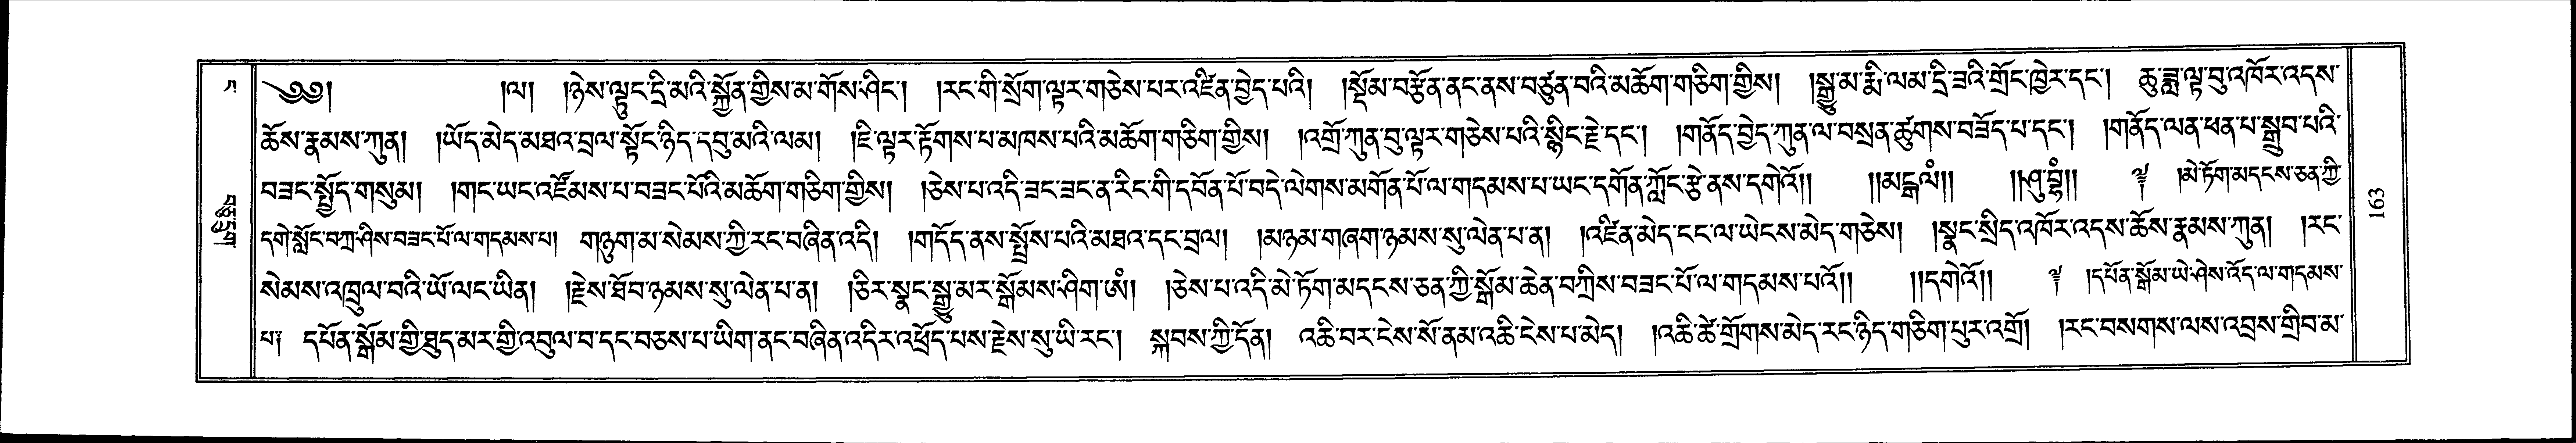༄༅། །ལ། །ཉེས་ལྟུང་དྲི་མའི་སྐྱོན་གྱིས་མ་གོས་ཤིང་། །རང་གི་སྲོག་ལྟར་གཅེས་པར་འཛིན་བྱེད་པའི། །སྡོམ་བརྩོན་ནང་ནས་བཙུན་བའི་མཆོག་གཅིག་གྱིས། །སྒྱུ་མ་རྨི་ལམ་དྲི་ཟའི་གྲོང་ཁྱེར་དང་། །ཆུ་ཟླ་ལྟ་བུ་འཁོར་འདས་
ཆོས་རྣམས་ཀུན། །ཡོད་མེད་མཐའ་བྲལ་སྟོང་ཉིད་དབུ་མའི་ལམ། །ཇི་ལྟར་རྟོགས་པ་མཁས་པའི་མཆོག་གཅིག་གྱིས། །འགྲོ་ཀུན་བུ་ལྟར་གཅེས་པའི་སྙིང་རྗེ་དང་། །གནོད་བྱེད་ཀུན་ལ་བསྲན་ཚུགས་བཟོད་པ་དང་། །གནོད་ལན་ཕན་པ་སྒྲུབ་པའི་
བཟང་སྤྱོད་གསུམ། །གང་ཡང་འཛོམས་པ་བཟང་པོའི་མཆོག་གཅིག་གྱིས། །ཅེས་པ་འདི་ཟང་ཟང་ན་རིང་གི་དབོན་པོ་བདེ་ལེགས་མགོན་པོ་ལ་གདམས་པ་ཡང་དགོན་ཀློང་རྩེ་ནས་དགེའོ།། །།མངྒ་ལཾ།། ཤུ་བྷཾ།། ༈ །མེ་ཏོག་མདངས་ཅན་ཀྱི་
དགེ་སློང་བཀྲ་ཤིས་བཟང་པོ་ལ་གདམས་པ། །གཉུག་མ་སེམས་ཀྱི་རང་བཞིན་འདི། །གདོད་ནས་སྤྲོས་པའི་མཐའ་དང་བྲལ། །མཉམ་གཞག་ཉམས་སུ་ལེན་པ་ན། །འཛིན་མེད་ངང་ལ་ཡེངས་མེད་གཅེས། །སྣང་སྲིད་འཁོར་འདས་ཆོས་རྣམས་ཀུན། །རང་
སེམས་འཁྲུལ་བའི་ཡོ་ལང་ཡིན། །རྗེས་ཐོབ་ཉམས་སུ་ལེན་པ་ན། །ཅིར་སྣང་སྒྱུ་མར་སྒོམས་ཤིག་ཨཾ། །ཅེས་པ་འདི་མེ་ཏོག་མདངས་ཅན་ཀྱི་སྒོམ་ཆེན་བཀྲིས་བཟང་པོ་ལ་གདམས་པའོ།། །།དགེའོ།། ༈ །དཔོན་སྒོམ་ཡེ་ཤེས་འོད་ལ་གདམས་
པ། །དཔོན་སྒོམ་གྱི་ཐུད་མར་གྱི་འབུལ་བ་དང་བཅས་པ་ཡིག་ནང་བཞིན་འདིར་འཕྲོད་པས་རྗེས་སུ་ཡི་རང་། །སྐབས་ཀྱི་དོན། །འཆི་བར་ངེས་སོ་ནམ་འཆི་ངེས་པ་མེད། །འཆི་ཚེ་གྲོགས་མེད་རང་ཉིད་གཅིག་པུར་འགྲོ། །རང་བསགས་ལས་འབྲས་གྲིབ་མ་